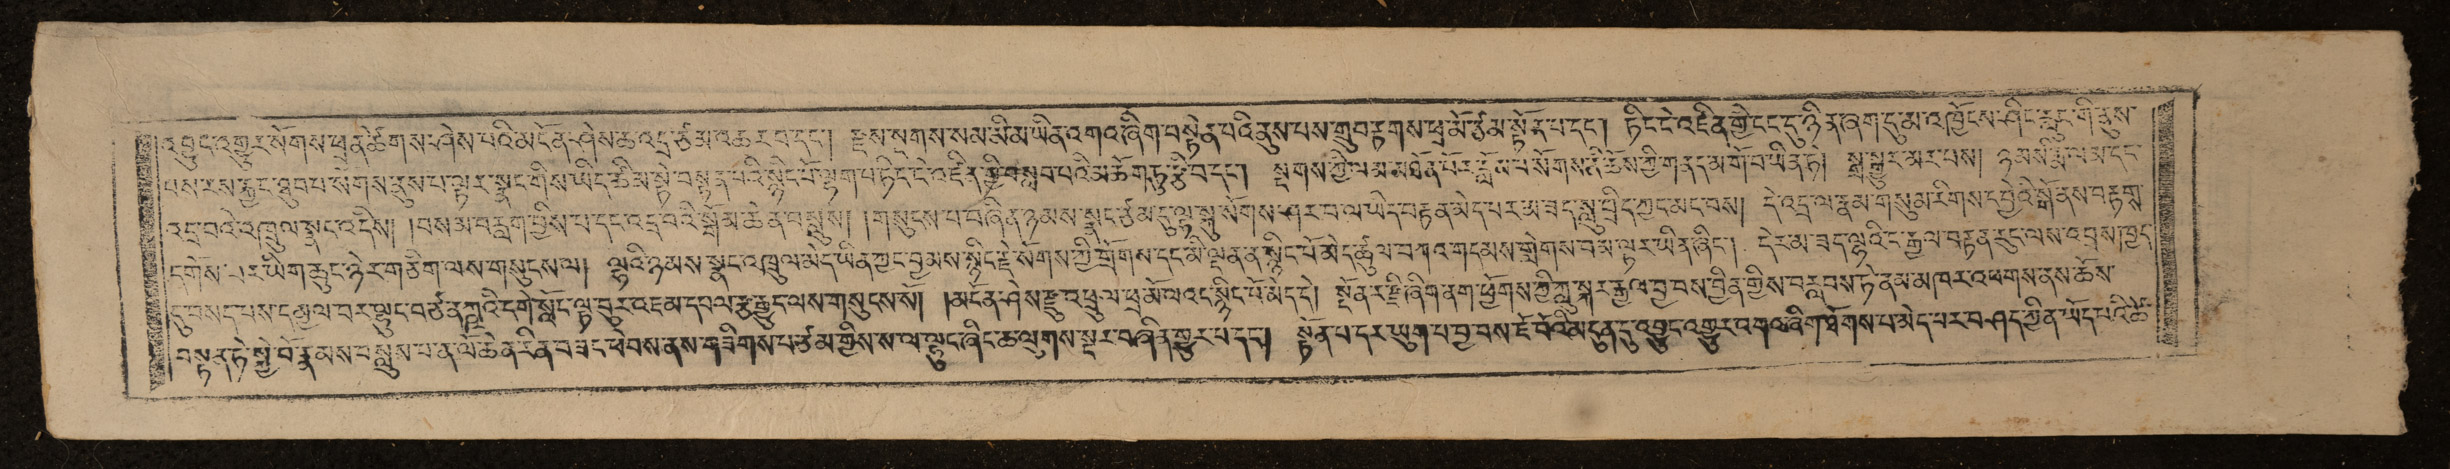འབྱུང་འགྱུར་སོགས་ཕྲན་ཚེགས་ཤེས་པའི་མངོན་ཤེས་ཆ་འདྲ་ཙམ་འཆར་བ་དང་། རྫས་སྔགས་སམ་མི་མ་ཡིན་འགའ་ཞིག་བསྟེན་པའི་ནུས་པས་གྲུབ་རྟགས་ཕྲ་མོ་ཙམ་སྟོན་པ་དང་། ཏིང་ངེ་འཛིན་གྱི་ངང་དུ་ཉིན་ཞག་དུ་མ་འཁྱོངས་ཤིང་རླུང་གི་ནུས་
པས་རས་རྐྱང་ཐུབ་བ་སོགས་ནུས་པ་ལྟར་སྣང་གིས་ཡིད་ཆི་མ་སྟེ་བསྟན་པའི་སྙིང་པོ་ལྷག་པ་ཏིང་ངེ་འཛིན་གྱི་བསླབ་པའི་མཆོག་ཏུ་རྩི་བ་དང་། སྔགས་ཀྱི་ལམ་མཐོན་པོར་རློམ་པ་སོགས་ནི་ཆོས་ཀྱི་གནད་མགོ་བ་ཡིན་ཏེ། སྒྲ་སྒྱུར་མར་བས། ཉམས་རྨི་ལམ་དང་
འདྲ་བའི་འཁྲུལ་སྣང་འདིས། །བསམ་བརླག་བྱིས་པ་དང་འདྲ་བའི་སྒོམ་ཆེན་བསླུས། །གསུངས་པ་བཞིན་ཉམས་སྣང་ཙམ་དུ་ལྷ་སྐུ་སོགས་ཤར་བ་ལ་ཡིད་བརྟན་མེད་པར་མ་ཟད་སླུ་བྲིད་ཀྱང་མང་བས། དེ་འདྲ་ལ་རྣམ་གསུམ་རིགས་དབྱེའི་སྒོ་ནས་བརྟགས་
དགོས་པར་ཡིག་ཆུང་ཉེར་གཅིག་ལས་གསུངས་པ། ལྷའི་ཉམས་སྣང་འཁྲུལ་མེད་ཡིན་ཀྱང་བྱམས་སྙིང་རྗེ་སོགས་ཀྱི་གྲོགས་དང་མི་ལྡན་ན་སྙིང་པོ་མེད་ཚུལ་བཀའ་གདམས་གླེགས་བམ་ལྟར་ཡིན་ཞིང་། དེར་མ་ཟད་ལྷའི་ང་རྒྱལ་བརྟན་རུང་ལས་འབྲས་ཁྱད་
དུ་བསད་པས་དམྱལ་བར་ལྷུང་བ་ཙ་ན་ཀྵའི་དགེ་སློང་ལྟ་བུར་འཇམ་དཔལ་རྩ་རྒྱུད་ལས་གསུངས་སོ། །མངོན་ཤེས་རྫུ་འཕྲུལ་ཕྲ་མོ་ལའང་སྙིང་པོ་མེད་དེ། སྔོན་རྫི་ཞིག་ནག་ཕྱོགས་ཀྱི་ཀླུ་སྐར་རྒྱལ་བྱ་བས་བྱིན་གྱིས་བརླབས་ཏེ་ནམ་མཁར་འཕགས་ནས་ཆོས་
བསྟན་ཏེ་སྐྱེ་བོ་རྣམས་བསླུས་པ་ན་ལོ་ཆེན་རིན་བཟང་ཕེབས་ནས་གཟིགས་བ་ཙམ་གྱིས་ས་ལ་ལྷུང་ཞིང་ཆ་ལུགས་སྔར་བཞིན་གྱུར་པ་དང་། སྟོན་པ་དར་ཡུག་པ་བྱ་བས་ཇོ་བོའི་མདུན་དུ་འབྱུང་འགྱུར་འགའ་ཞིག་ཐོགས་པ་མེད་པར་བཤད་ཀྱི་ན་ཡོད་པའི་ཚེ་